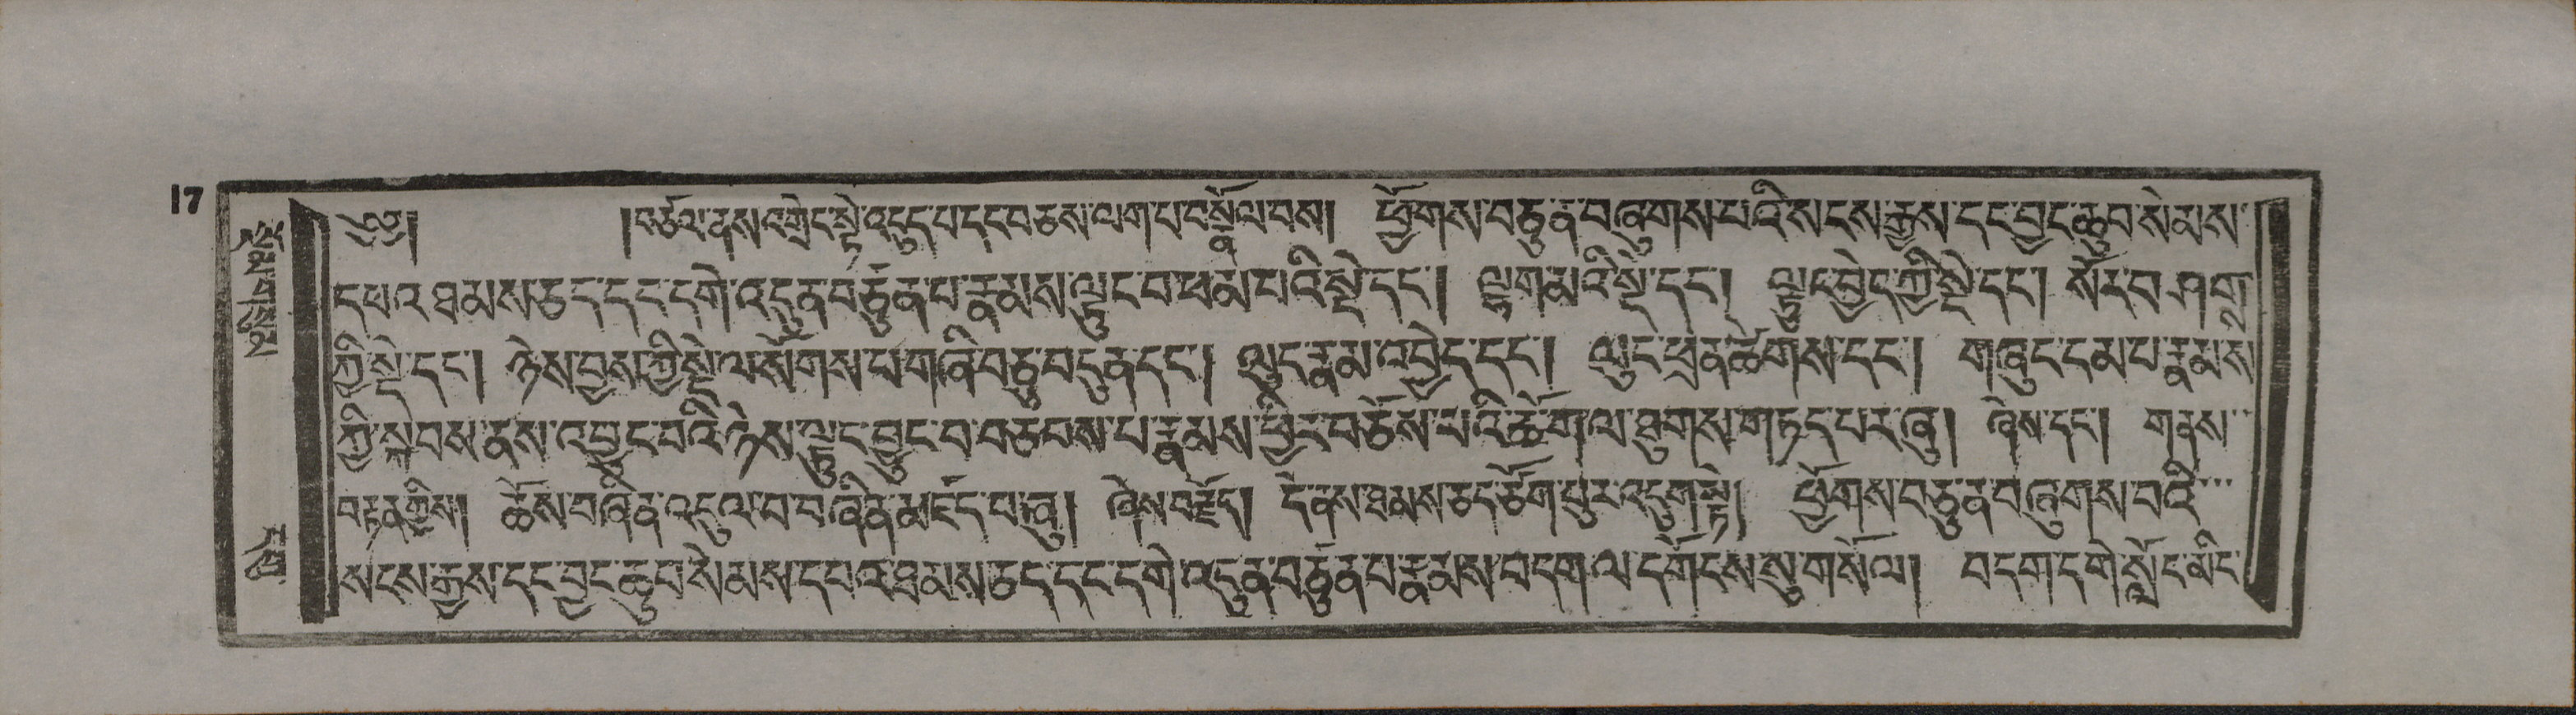༄༅། །བཙལ་ནས་འགྲེང་སྟེ་འདུད་པ་དང་བཅས་ལག་པ་བསྣོལ་བས། ཕྱོགས་བཅུ་ན་བཞུགས་པའི་སངས་རྒྱས་དང་བྱང་ཆུབ་སེམས་
དཔའ་ཐམས་ཅད་དང་དགེ་འདུན་བཙུན་པ་རྣམས་ལྟུང་བ་ཕམ་པའི་སྡེ་དང་། ལྷག་མའི་སྡེ་དང་། ལྟུང་བྱེད་ཀྱི་སྡེ་དང་། སོར་བཤགས་
ཀྱི་སྡེ་དང་། ཉེས་བྱས་ཀྱི་སྡེ་ལ་སོགས་པ་གཞི་བཅུ་བདུན་དང་། ལུང་རྣམ་འབྱེད་དང་། ལུང་ཕྲན་ཚེགས་དང་། གཞུང་དམ་པ་རྣམས་
ཀྱི་སྐབས་ནས་འབྱུང་བའི་ཉེས་ལྟུང་བྱུང་བ་བཅབས་པ་རྣམས་ཕྱིར་བཅོས་པའི་ཆོ་ག་ལ་ཐུགས་གཏད་པར་ཞུ། ཞེས་དང་། གནས་
བརྟན་གྱིས། ཆོས་བཞིན་འདུལ་བ་བཞིན་མཛད་པ་ཞུ། ཞེས་བརྗོད། དེ་ནས་ཐམས་ཅད་ཙོག་པུར་འདུག་སྟེ།  ཕྱོགས་བཅུ་ན་བཞུགས་པའི་
སངས་རྒྱས་དང་བྱང་ཆུབ་སེམས་དཔའ་ཐམས་ཅད་དང་དགེ་འདུན་བཙུན་པ་རྣམས་བདག་ལ་དགོངས་སུ་གསོལ། བདག་དགེ་སློང་མིང་